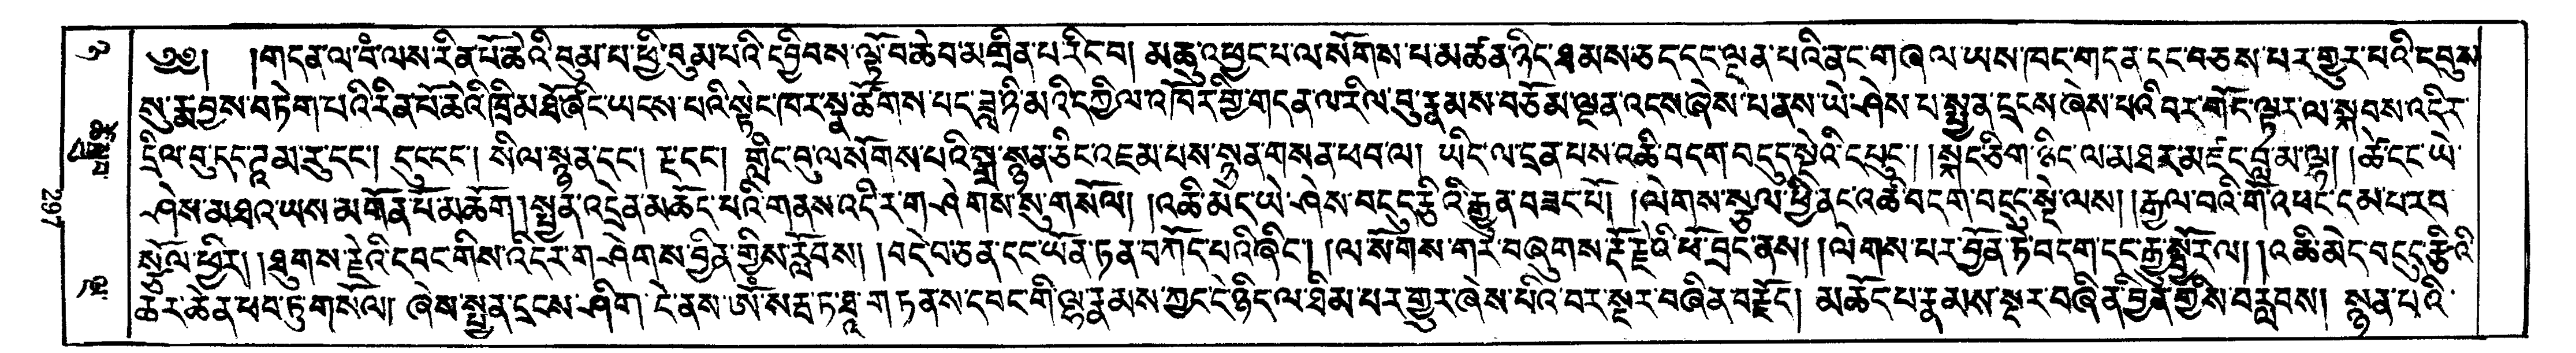༄༅། །གདན་ལ་བཾ་ལས་རིན་པོ་ཆེའི་བུམ་པ་ཕྱི་བུམ་བའི་དབྱིབས་ལྟོ་བ་ཆེ་བ་མགྲིན་པ་རིང་བ། མཆུ་འཕྱང་བ་ལ་སོགས་པ་མཚན་ཉིད་ཐམས་ཅད་དང་ལྡན་པའི་ནང་གཞལ་ཡས་ཁང་གདན་དང་བཅས་པར་གྱུར་པའི་དབུས་
སུ་རྨ་བྱས་བཏེག་པའི་རིན་པོ་ཆེའི་ཁྲི་མཐོ་ཞིང་ཡངས་པའི་སྟེང་ཁར་སྣ་ཚོགས་པད་ཟླ་ཉི་མའི་དཀྱིལ་འཁོར་གྱི་གདན་ལ་རིལ་བུ་རྣམས་བཅོམ་ལྡན་འདས་ཞེས་པ་ནས་ཡེ་ཤེས་པ་སྤྱན་དྲངས་ཞེས་པའི་བར་གོང་ལྟར་ལ་སྐབས་འདིར་
དྲིལ་བུ་དང་ཌཱ་མ་རུ་དང་། དུང་དང་། སིལ་སྙན་དང་། རྔ་དང་། གླིང་བུ་ལ་སོགས་པའི་སྒྲ་སྙན་ཅིང་འཇམ་པས་སྙན་གསན་ཕབ་ལ། ཡིད་ལ་དྲན་པས་འཆི་བདག་བདུད་སྡེའི་དཔུང་། །སྐད་ཅིག་ཉིད་ལ་མཐར་མཛད་བླ་མ་ལྷ། །ཚེ་དང་ཡེ་
ཤེས་མཐའ་ཡས་མགོན་པོ་མཆོག །སྤྱན་འདྲེན་མཆོད་པའི་གནས་འདིར་གཤེགས་སུ་གསོལ། །འཆི་མེད་ཡེ་ཤེས་བདུད་རྩིའི་རྒྱུན་བཟང་པོ། །ལེགས་སྩལ་ཕྱི་ནང་འཆི་བདག་བདུད་སྡེ་ལས། །རྒྱལ་བའི་གོ་འཕང་དམ་པར་བ་
སྩོལ་ཕྱིར། །ཐུགས་རྗེའི་དབང་གིས་འདིར་གཤེགས་བྱིན་གྱིས་རློབས། །བདེ་བ་ཅན་དང་ཡོན་ཏན་བཀོད་པའི་ཞིང་། །ལ་སོགས་གར་བཞུགས་རྡོ་རྗེའི་ཕོ་བྲང་ནས། །ལེགས་པར་བྱོན་ཏེ་བདག་དང་རྒྱུ་སྦྱོར་ལ། །འཆི་མེད་བདུད་རྩིའི་
ཆར་ཆེན་ཕབ་ཏུ་གསོལ། ཞེས་སྤྱན་དྲངས་ཤིང་། དེ་ནས་ཨོཾ་སརྦ་ཏ་ཐཱ་ག་ཏ་ནས་དབང་གིས་ལྷ་རྣམས་ཀྱང་དེ་ཉིད་ལ་ཐིམ་པར་གྱུར་ཞེས་པའི་བདག་སྔར་བཞིན་བརྗོད། །མཆོད་པ་རྣམས་སྔར་བཞིན་བྱིན་གྱིས་བརླབས། སྙན་པའི་